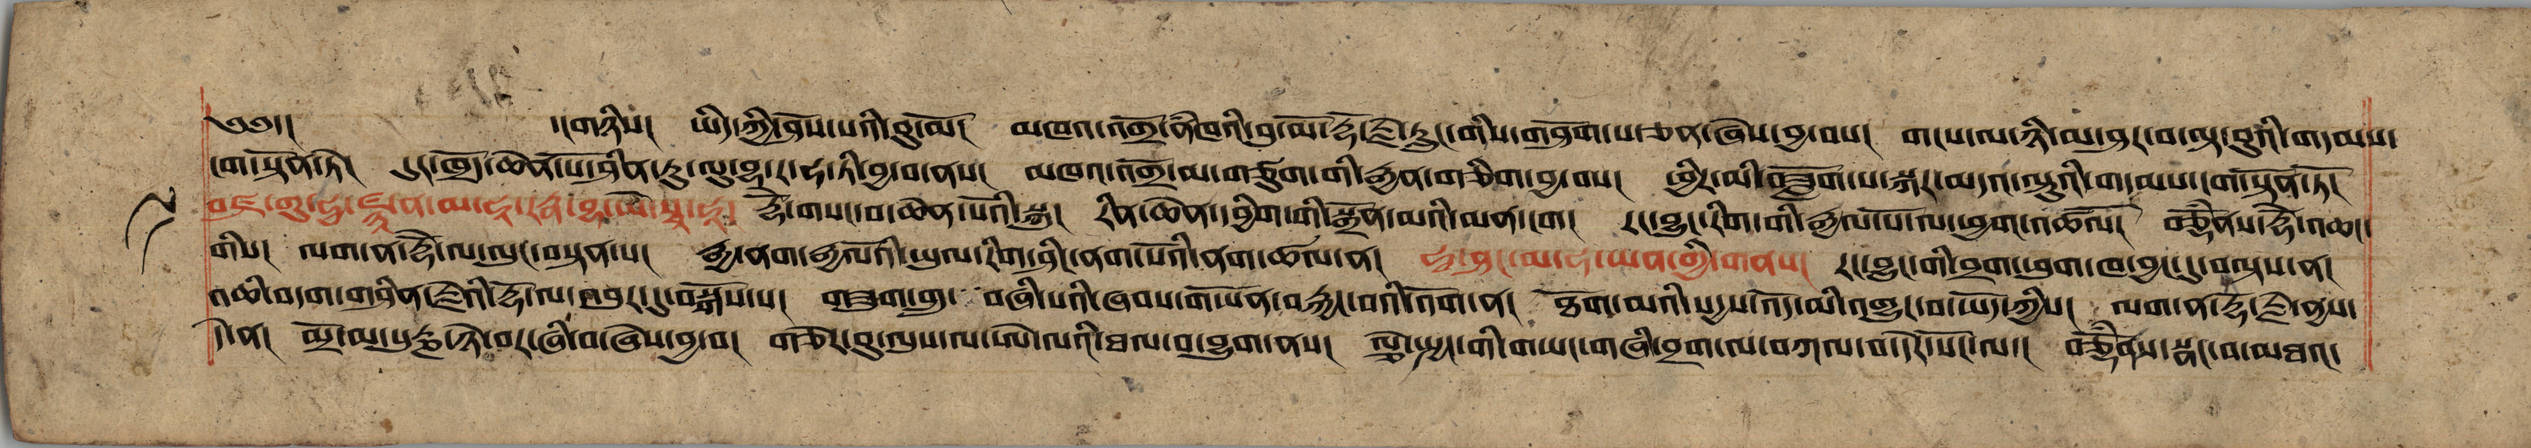༄༅་། དང་གཉིས། ཡིད་ཀྱི་ཤེས་པའི་བུ་མོ། མཁའ་འགྲོ་ནཾཁའི་བུ་མོ་རྡོ་རྗེ་རླུང་གིས་གཤོག་པ་ཅན་ཞེས་བྱ་བས། གངས་ལ་ཉི་མ་ཤར་བ་ལྟ་བུའི་གདམས་
ངག་སྟོན་ཏེ། དུར་ཁྲོད་ཆེན་པོ་ཤིན་ཏུ་ལུ་བྷ་ར་ཧ་ཏི་བྱ་བ་ནས། མཁའ་འགྲོ་མ་གཙུག་གི་རྒྱན་གཅིག་བྱ་བས། ཕྱིར་མི་བཟློག་པ་སྐར་མདའ་ལྟུའི་གདམས་ངག་སྟོན་ཏོ།
བཛྲ་གུ་ཧྱ་ཛྙཱ་ན་མ་ཧཱ་རཏྣ་བྷ་ཡེ་སྭ་ཧཱ། རྡོེཻ་གསང་བ་ཆེན་པོའི་སྐུ། རིན་ཆེན་དབྱིག་གི་སྒྲོན་མའི་མན་ངག། རང་བྱུང་རིག་གི་རྒྱལ་པོ་ལ་ཕྱག་འཚལོ། བཅྡནོཾས་རྡོཻ་འཆང་
གིས། ལག་ན་རྡོེ་ལ་ལུང་བསྟན་པ། རྒྱ་ནག་རྒྱལོའི་ཡུལ་རིག་ཤིང་ནག་པོའི་ནག་ཚལ་ན། ཧྭ་ཤང་མ་ཧེ་ཡབ་གྱི་གནས། རང་བྱུང་གི་བྲག་ཕུག་ཁ་བྱང་དུ་བལྟས་ན།
འཆི་བདག་གཤིན་རྗེའི་རྡོ་ལ་འབུར་དུ་བསྒོས་པ། གཟུག་གྲུ་ བཞི་པའི་ཞབས་གཡོན་བརྐྱང་བའི་འོག་ན། ཐོག་མའི་སདྱས་འོད་མི་འགྱུར་བ་ཡོད་ཀྱིས། ལག་ན་རྡོ་རྗེ་ནྱས་
དེ་ན། མྲོ་མ་པུཏྞ་ཉེ་བར་ཞི་བ་ཞེས་བྱ་བ། གཅཻར་བུ་ལུས་ལ་ཨེ་ལའི་ཐལ་བ་བྱུག་ནས། ལྕེ་སྤྱང་གི་གཡང་གཞི་བྲག་ལ་བཀལ་བ་དེར་སོང་ལ་། བཅྡོཾནས་སྣང་བ་མཐའ་